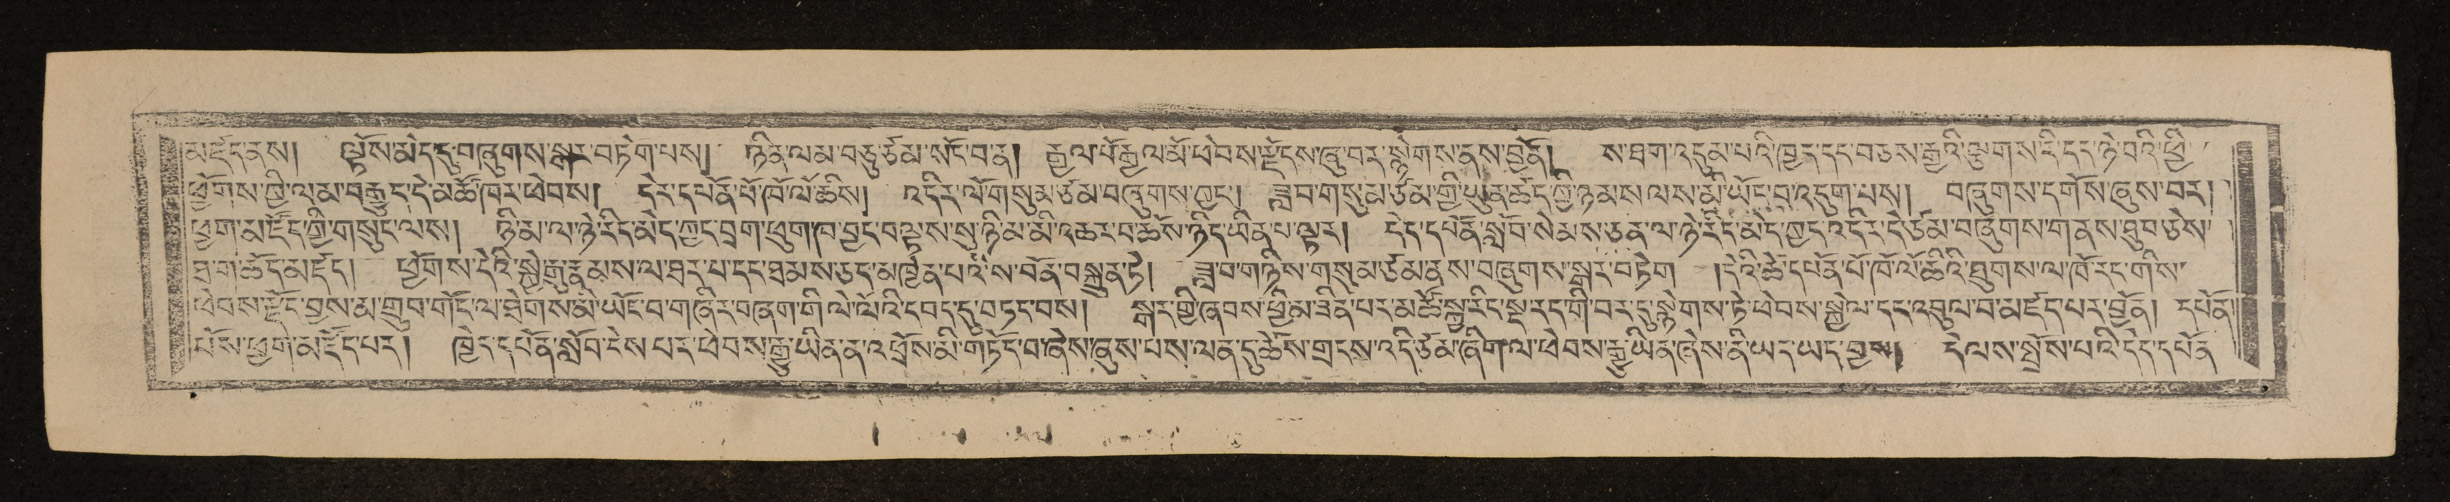མཛད་ནས། ལྟོས་མེད་དུ་བཞུགས་སྒར་བཏེག་པས། ཉིན་ལམ་བཅུ་ཙམ་སོང་བ་ན། རྒྱལ་པོ་རྒྱལ་མོ་ཕེབས་རྫོངས་ཞུ་བར་སྙེགས་ནས་བྱོན། ས་ཐག་འདུམ་པའི་ཁྱད་དང་བཅས་རྒྱའི་ལྕགས་རི་དང་ཉེ་བའི་ཕྱི་
ཕྱོགས་ཀྱི་ལམ་བརྒྱུད་དེ་མཆི་ཁར་ཕེབས། དེར་དཔོན་པོ་ཁ་ལོ་ཆིས། འདིར་ལོ་གསུམ་ཙམ་བཞུགས་ཀྱང་། ཟླ་བ་གསུམ་ཙམ་གྱི་ཡུན་ཚད་ཀྱི་ཉམས་ལས་མེ་ལོང་བ་འདུག་པས། བཞུགས་དགོས་ཞུས་པར།
ཕྱག་མཛོད་ཀྱི་གསུང་ལས། ཉི་མ་ལ་ཉེ་རིང་མེད་ཀྱང་བྲག་ཕུག་ཁ་བྱང་བལྟས་སུ་ཉི་མ་མི་འཆར་བ་ཆོས་ཉིད་ཡིན་པ་ལྟར། ངེད་དཔོན་སློབ་སེམས་ཅན་ལ་ཉེ་རིང་མེད་ཀྱང་འདིར་དེ་ཙམ་བཞུགས་གནས་ཐུབ་ཅེས་
ཐག་ཆོད་མཛད། ཕྱོགས་དེའི་སྐྱེ་རྒུ་རྣམས་ལ་ཐར་བ་དང་ཐམས་ཅད་མཁྱེན་པའི་ས་བོན་བསྐྲུན་ཏེ། ཟླ་བ་གཉིས་གསུམ་ཙམ་ནས་བཞུགས་སྒར་བཏེག །དེའི་ཚེ་དཔོན་པོ་ཁོ་ལོ་ཆིའི་ཐུགས་ལ་ཁོ་རང་གིས་
ཕེབས་རྫོང་བྱས་མ་གྲུབ་གོང་ལ་ཐེགས་མི་ཡོང་བ་གཞིར་བཞག་གི་ལེ་ལོའི་དབང་དུ་བཏང་བས། སྒར་གྱི་ཞབས་ཕྱི་མ་ཟིན་པར་མཚོ་སྐྱ་རིང་སྔ་རིང་གི་བར་དུ་སྙེགས་ཏེ་ཕེབས་སྐྱེལ་དང་འབུལ་བ་མཛད་པར་བྱོན། དཔོན་
པོས་ཕྱག་མཛོད་པར། ཁྱེད་དཔོན་སློབ་ངེས་པར་ཕེབས་རྒྱུ་ཡིན་ན་འཕྲོས་མི་གཏོང་བ་ཞེས་ཞུས་པས་ལན་དུ་ཚེས་གྲངས་འདི་ཙམ་ཞིག་ལ་ཕེབས་རྒྱུ་ཡིན་ཞེས་ནི་ཡང་ཡང་བྱས། དེ་ལས་སྤྲོས་པའི་ངེད་དཔོན་